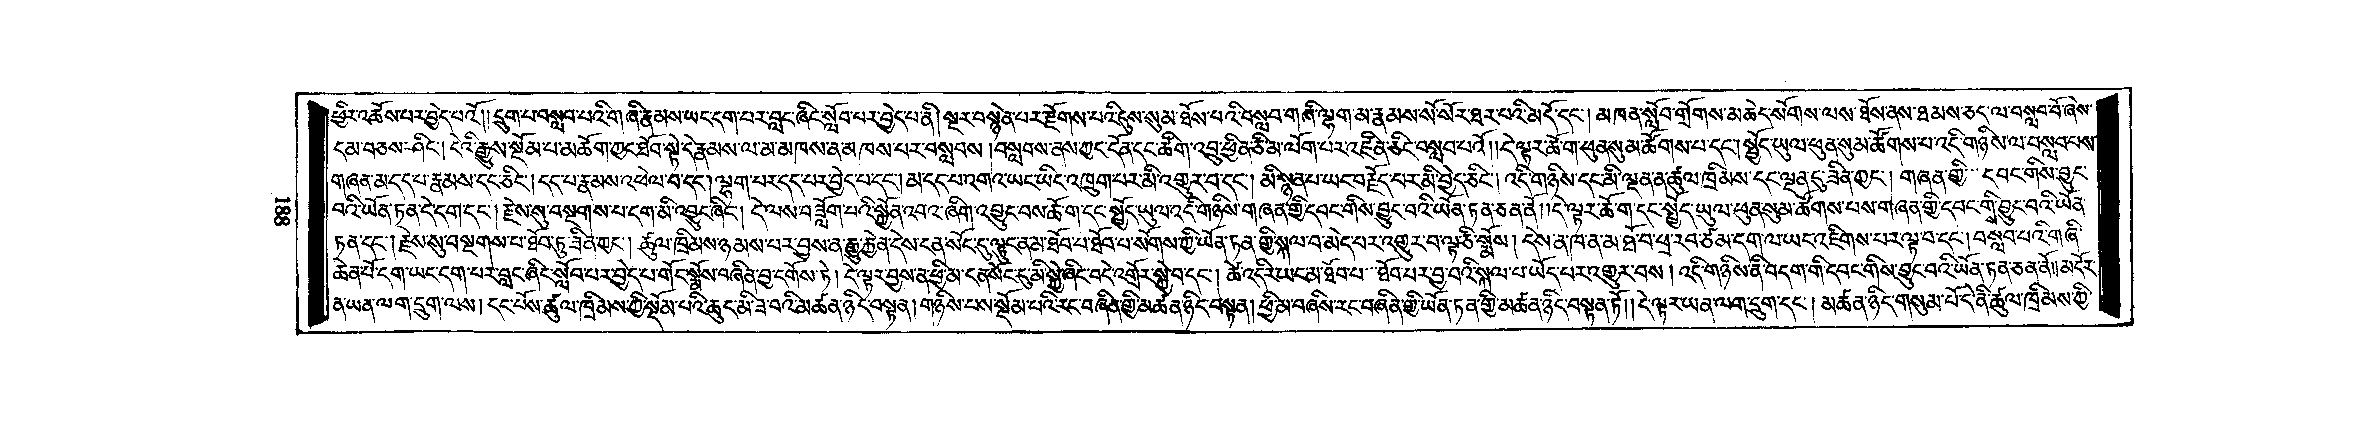ཕྱིར་འཆོས་པར་བྱེད་པའོ། །དྲུག་པ་བསླབ་པའི་གཞི་རྣམས་ཡང་དག་པར་བླང་ཞིང་སློབ་པར་བྱེད་པ་ནི། སྔར་བསྙེན་པར་རྫོགས་པའི་དུས་སུམ་ཐོས་པའི་བསླབ་གཞི་ལྷག་མ་རྣམས་སོ་སོར་ཐར་པའི་མདོ་དང་། མཁན་སློབ་གྲོགས་མཆེད་སོགས་ལས་ཐོས་ནས་ཐམས་ཅད་ལ་བསླབ་བོ་ཞེས་
དམ་བཅས་ཤིང་། དེའི་རྒྱུས་སྡོམ་པ་མཆོག་ཀྱང་ཐོབ་སྟེ་དེ་རྣམས་ལ་མ་མཁས་ན་མཁས་པར་བསླབས། བསླབས་ནས་ཀྱང་དོན་དང་ཚིག་འབྲུ་ཕྱིན་ཅི་མ་ལོག་པར་འཛིན་ཅིང་བསླབ་པའོ། །དེ་ལྟར་ཆོ་ག་ཕུན་སུམ་ཚོགས་པ་དང་། སྤྱོད་ཡུལ་ཕུན་སུམ་ཚོགས་པ་འདི་གཉིས་ལ་བསླབ་པས་
གཞན་མ་དད་པ་རྣམས་དང་ཅིང་། དད་པ་རྣམས་འཕེལ་བ་དང་། ལྷག་པར་དད་པར་བྱེད་པ་དང་། མ་དད་པ་འགའ་ཡང་ཡིང་འཁྲུག་པར་མི་འགྱུར་བ་དང་། མི་སྙན་པ་ཡང་བརྗོད་པར་མི་བྱེད་ཅིང་། འདི་གཉིས་དང་མི་ལྡན་ན་ཚུལ་ཁྲིམས་དང་ལྡན་དུ་ཟིན་ཀྱང་། གཞན་གྱི་དབང་གིས་བྱུང་
བའི་ཡོན་ཏན་དེ་དག་དང་། རྗེས་སུ་བསྔགས་པ་དག་མི་འབྱུང་ཞིང་། དེ་ལས་བཟློག་པའི་སྐྱོན་འབའ་ཞིག་འབྱུང་བས་ཆོ་ག་དང་སྤྱོད་ཡུལ་འདི་གཉིས་གཞན་གྱི་དབང་གིས་བྱུང་བའི་ཡོན་ཏན་ཅན་ནོ། །དེ་ལྟར་ཆོ་ག་དང་སྤྱོད་ཡུལ་ཕུན་སུམ་ཚོགས་པས་གཞན་དབང་གིས་བྱུང་བའི་ཡོན་
ཏན་དང་། རྗེས་སུ་བསྔགས་པ་ཐོབ་ཏུ་ཟིན་ཀྱང་། ཚུལ་ཁྲིམས་ཉམས་པར་བྱས་ན་རྒྱུ་རྐྱེན་དེས་ངན་སོང་དུ་ལྟུང་ན་མ་ཐོབ་པ་ཐོབ་པ་སོགས་ཀྱི་ཡོན་ཏན་གྱི་སྐལ་བ་མེད་པར་འགྱུར་བ་ལྟ་ཅི་སྨོས། དེས་ན་ཁ་ན་མ་ཐོ་བ་ཕྲ་རབ་ཙམ་དག་ལ་ཡང་འཇིགས་པར་ལྟ་བ་དང་། བསླབ་པའི་གཞི་
ཆེན་པོ་དག་ཡང་དག་པར་བླང་ཞིང་སློབ་པར་བྱེད་པ་གོང་སྨོས་བཞིན་བྱ་དགོས་ཏེ། དེ་ལྟར་བྱས་ན་ཕྱི་མ་ངན་སོང་དུ་མི་སྐྱེ་ཞིང་བདེ་འགྲོར་སྐྱེ་བ་དང་། ཚེ་འདིར་ཡང་མ་ཐོབ་པ་ཐོབ་པར་བྱ་བའི་སྐལ་པ་ཡོད་པར་འགྱུར་བས། འདི་གཉིས་ནི་བདག་གི་དབང་གིས་བྱུང་བའི་ཡོན་ཏན་ཅན་ནོ། །མདོར་
ན་ཡན་ལག་དྲུག་ལས། དང་པོས་ཚུལ་ཁྲིམས་ཀྱི་སྡོམ་པའི་ཆུད་མ་ཟ་བའི་མཚན་ཉིད་བསྟན། གཉིས་པས་སྡོམ་པའི་རང་བཞིན་གྱི་མཚན་ཉིད་བསྟན། ཕྱི་མ་བཞིས་རང་བཞིན་གྱི་ཡོན་ཏན་གྱི་མཚན་ཉིད་བསྟན་ཏོ། །དེ་ལྟར་ཡན་ལག་དྲུག་དང་། མཚན་ཉིད་གསུམ་པོ་དེ་ནི་ཚུལ་ཁྲིམས་ཀྱི་